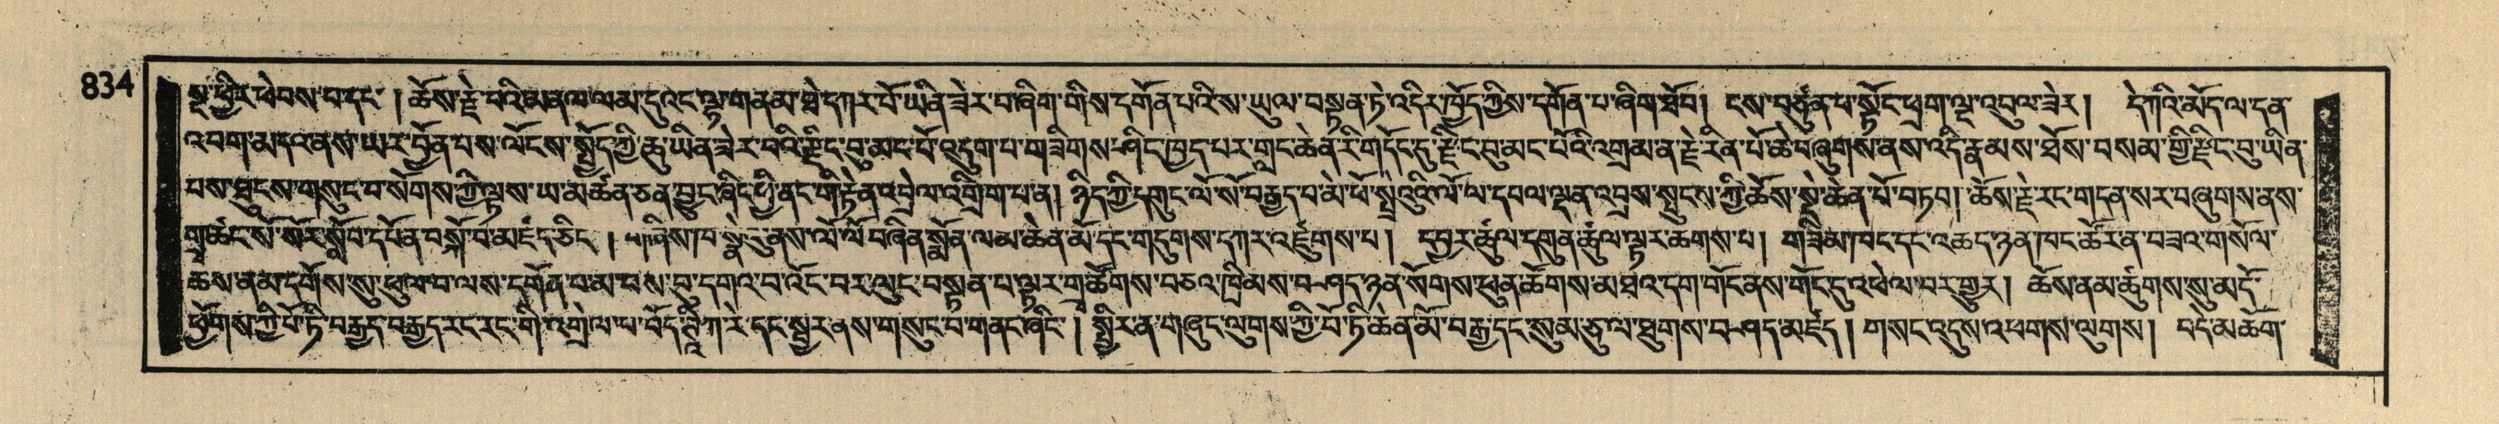སྔ་ཕྱིར་ཕེབས་བ་དང་། ཆོས་རྗེ་བའི་མནལ་ལམ་དུའང་ལྷ་གནམ་ཐེ་དཀར་པོ་ཡིན་ཟེར་བ་ཞིག་གིས་དགོན་པའི་ས་ཡུལ་བསྟན་ཏེ་འདིར་ཁྱོད་ཀྱིས་དགོན་པ་ཞིག་ཐོབ། ངས་བཙུན་པ་སྟོང་ཕྲག་ལྔ་འབུལ་ཟེར། དེ་ཀའི་མདོ་ལ་དན་
འབག་མདའ་ནས་ཡར་བྱོན་པས་ལོངས་སྤྱོད་ཀྱི་ཆུ་ཡིན་ཟེར་བའི་རྫིང་བུ་མང་པོ་འདུག་པ་གཟིགས་ཤིང་ཁྱད་པར་གླང་ཆེན་རི་གདོང་དུ་རྫིང་བུ་མང་པོའི་འགྲམ་ན་རྗེ་རིན་པོ་ཆེ་བཞུགས་ནས་འདི་རྣམས་ཐོས་བསམ་གྱི་རྫིང་བུ་ཡིན་
པས་ཐུངས་གསུང་བ་སོགས་ཀྱི་ལྟས་ཡ་མཚན་ཅན་བྱུང་ཞིང་ཕྱི་ནང་གི་རྟེན་འབྲེལ་འགྲིག་པ་ན། ཉིད་ཀྱི་དགུང་ལོ་སོ་བརྒྱད་བ་མེ་ཕོ་སྤྲེའུའི་ལོ་ལ་དཔལ་ལྡན་འབྲས་སྤུངས་ཀྱི་ཆོས་སྡེ་ཆེན་པོ་བཏབ། ཆོས་རྗེ་རང་གདན་སར་བཞུགས་ནས་
གྲྭ་ཚང་སོ་སོར་སློབ་དཔོན་བསྐོ་བ་མཛད་ཅིང་། གཞིས་ཁ་སྣེའུ་ནས་ལོ་ལོ་བཞིན་སྨོན་ལམ་ཆེན་མོ་དང་གདུགས་དཀར་འཛུགས་པ། དབྱར་ཚུལ་དགུན་ཚུལ་ལྟར་ཆགས་པ། གཟིམ་ཁང་དང་འཆད་ཉན་ཁང་ཚོར་ན་བཟའ་གསོལ་
ཆས་ན་མ་དགོས་སུ་ཕུལ་བ་ལས་དགོན་བ་མ་བས་བུ་དགའ་བ་འོང་བར་ལུང་བསྟན་པ་ལྟར་གྲྭ་ཚོགས་བཅའ་ཁྲིམས་བཤད་ཉན་སོགས་ཕུན་ཚོགས་མཐའ་དག་གོང་ནས་གོང་དུ་འཕེལ་བར་གྱུར། ཆོས་ནམ་ཚུགས་སུ་མདོ་
ཕྱོགས་ཀྱི་པོ་ཏི་བརྒྱད་བརྒྱད་རང་རང་གི་འགྲེལ་པ་བོད་ཊཱིཀ་རེ་དང་སྦྱར་ནས་གསུང་བ་གནང་ཞིང་། སྤྱིར་ན་གཞུང་ལུགས་ཀྱི་པོ་ཏི་ཆེན་མོ་བརྒྱ་དང་སུམ་ཅུ་ལ་ཐུགས་བཤད་མཛད། གསང་འདུས་འཕགས་ལུགས། བདེ་མཆོག་